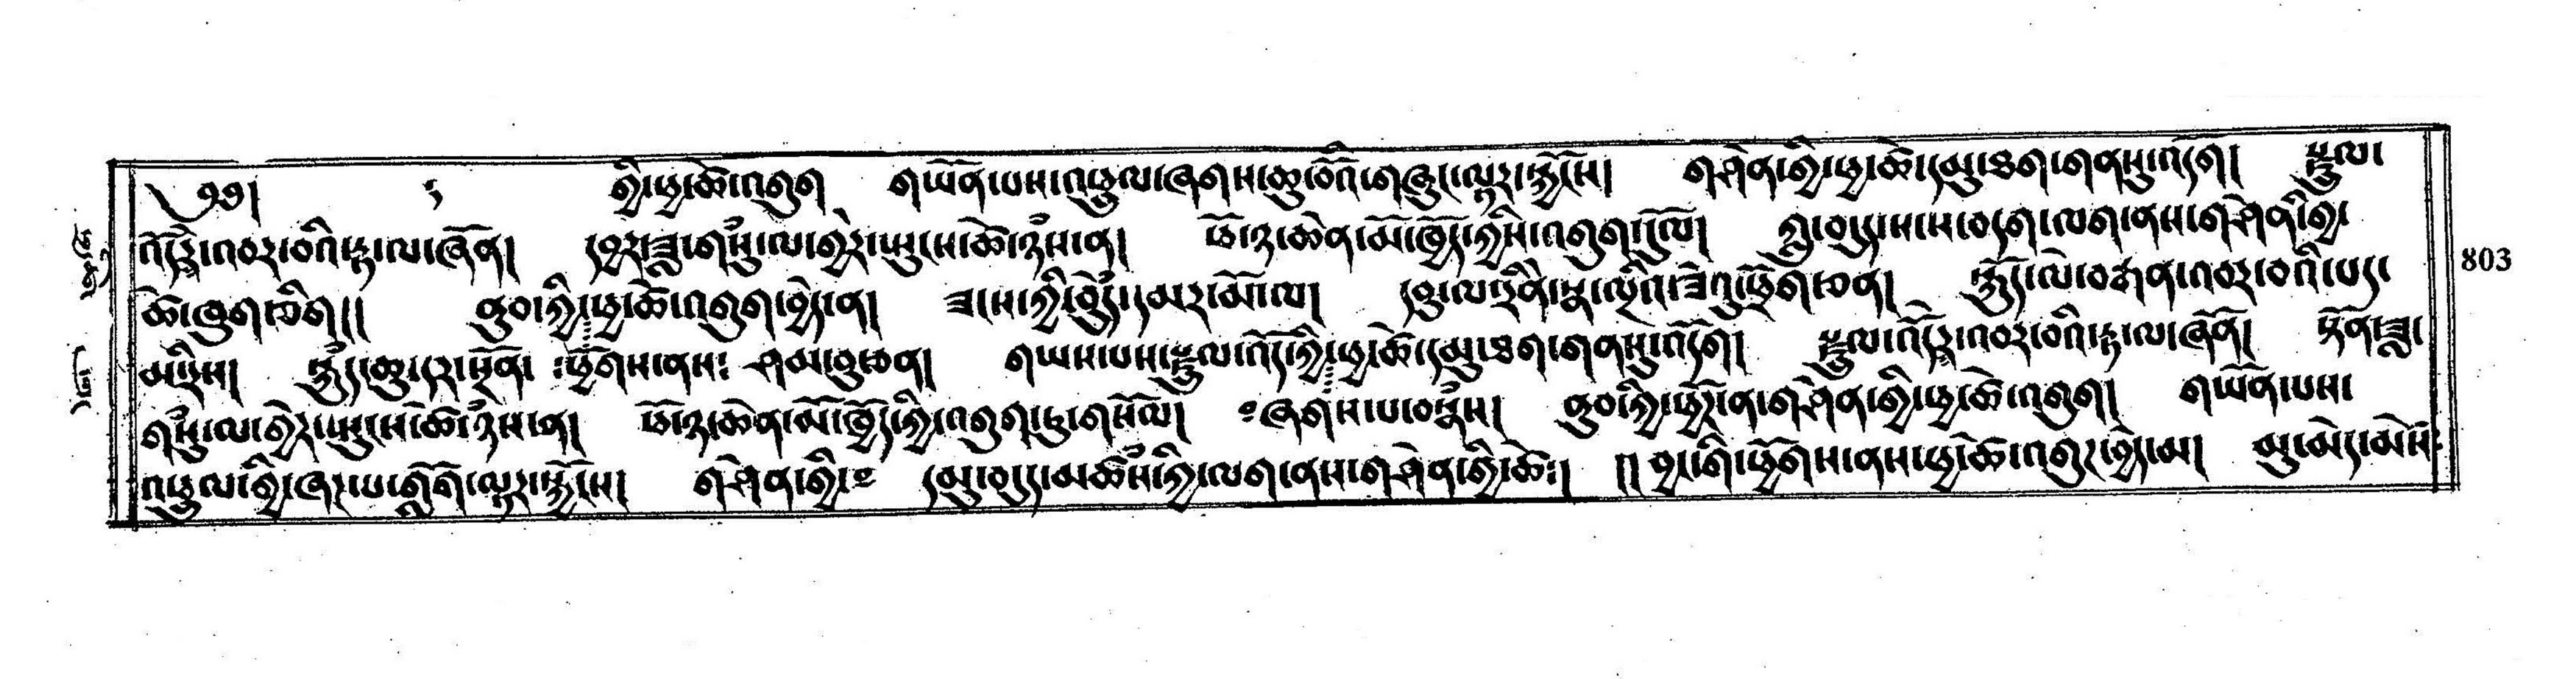གྱི་ཕྱ་ཚེ་འགུག གཡོན་པས་འཕྲུལ་ཞགས་ཆུ་བོའི་གཞུང་ལྟར་སྐྱོངས། གཤེན་གྱི་ཕྱ་ཚེ་དམུ་ཐག་གནས་སུ་འདོག རྫུ་འཕྲུལ་
འོད་ཟེར་འབར་བའི་རྟ་ལ་ཞོན། དབྱར་ཟླ་གསུམ་ལ་གྱེར་སྤུངས་ཚེ་ཉམས་ན། ཕོ་ཉ་ཆེན་མོ་ཁྱོད་ཀྱིས་འགུག་དུ་གསོལ། ཀླུ་བདུད་སངས་བདག་ལག་ནས་གཤེན་གྱི་
ཚེ་ཁུག་ཅིག །ནུབ་ཀྱི་ཕྱོགས་ནས་ཕྱ་ཚེ་འགུག་བྱེད་ན། ཟངས་ཀྱི་བུད་མེད་དམར་མོ་ལ། དབུ་ལ་རིན་ཆེན་སྣ་ལྔའི་ཟེའུ་ཕྲོག་ཅན། སྐུ་སྟོད་ལེ་བརྒན་འབར་བའི་པད་
མ་རིས། སྐུ་སྨད་ཆུ་དར་སྔོན་པོའི་ཤམ་བུ་ཅན། གཡས་པས་རྫུ་འཕྲུལ་འོད་ཀྱི་ཞགས་པ་བསྣམས། ནུབ་ཀྱི་ཕྱོགས་ན་གཤེན་གྱི་ཕྱ་ཚེ་འགུག གཡོན་པས་འཕྲུལ་གྱི་ཞགས་པ་གློག་ལྟར་སྐྱོངས། གཤེན་གྱི་ཕྱ་ཚེ་དམུ་ཐག་གནས་སུ་འདོག རྫུ་འཕྲུལ་འོད་ཟེར་འབར་བའི་རྟ་ལ་ཞོན། སྟོན་ཟླ་
གསུམ་ལ་གྱེར་སྤུངས་ཚེ་ཉམས་ན། ཕོ་ཉ་ཆེན་མོ་ཁྱོད་ཀྱིས་འགུག་ཏུ་གསོལ། དམུ་བདུད་མཚམས་ཀྱི་ལག་ནས་གཤེན་གྱི་ཚེ༴། བྱང་གི་ཕྱོགས་ནས་ཕྱ་ཚེ་འགུགས་བྱེད་མ། མུ་མེད་མཛེས་